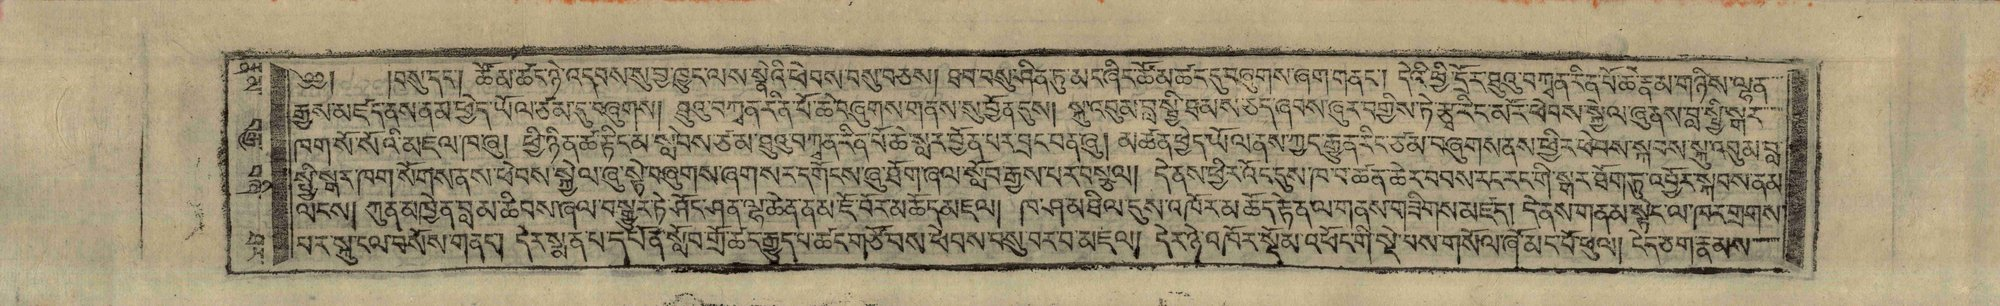༄༅། །བསུ་དང་། ཚོམ་ཚང་ཉེ་འདབས་སུ་བྱ་ཁྱུང་ལས་སྣེའི་ཕེབས་བསུ་བཅས། ཐབ་བསུ་ཤིན་ཏུ་མང་ཞིང་ཚོམ་ཚང་དུ་བཞུགས་ཞག་གནང་། དེའི་ཕྱི་དྲོར་ཐུའུ་བཀྭན་རིན་པོ་ཆེ་རྣམ་གཉིས་ལྷན་
རྒྱས་མཛད་ནས་ནམ་ཕྱེད་ཡོལ་ཙམ་དུ་བཞུགས། ཐུའུ་བཀྭན་རིན་པོ་ཆེ་བཞུགས་གནས་སུ་བྱོན་དུས། སྐུ་འབུམ་བླ་སྤྱི་ཐམས་ཅད་ཞབས་ཞུར་བགྱིས་ཏེ་རྩྭ་རིང་མོར་ཕེབས་སྐྱེལ་ཞུ་ནས་བླ་སྤྱི་སྒར་
ཁག་སོ་སོའི་མཇལ་ཁ་ཞུ། ཕྱི་ཉིན་ཚ་རྟིང་མ་སླེབས་ཙམ་ཐུའུ་བཀྭན་རིན་པོ་ཆེ་སླར་བྱོན་པར་བྲང་བན་ཞུ། མཚན་ཕྱེད་ཡོལ་ནས་ཀྱང་རྒྱུན་རིང་ཙམ་བཞུགས་ནས་ཕྱིར་ཕེབས་སྐབས་སྐུ་འབུམ་བླ་
སྤྱི་སྒར་ཁག་སོགས་ནས་ཕེབས་སྐྱེལ་ཞུ་སྟེ་བཞུགས་ཞག་སར་དགོངས་ཞུ་ཐོག་ཞལ་སློབ་རྒྱས་པར་བསྩལ། དེ་ནས་ཕྱིར་འོང་དུས་ཁ་བ་ཚན་ཆེར་བབས་རང་རང་གི་སྒར་ཐོག་ཏུ་འབྱོར་སྐབས་ནམ་
ལངས༑ ཀུན་མཁྱེན་བླ་མ་ཆིབས་ཞལ་བསྒྱུར་ཏེ་ཤོང་ཤན་ལྷ་ཆེན་ནམ་ཇོ་བོར་མཆོད་མཇལ། ཁ་ཤ་མཐིལ་དུས་འཁོར་མཆོད་རྟེན་ལ་གནས་གཟིགས་མཛད། དེ་ནས་གནམ་སྟེང་ལ་ཁར་གྲགས་
པར་སྐུ་ངལ་བསོས་གནང་། དེར་སྨན་པ་དཔོན་སློབ་གྲོ་ཚང་རྒྱུད་པ་ཚང་གཙོ་བས་ཕེབས་བསུ་བར་བ་མཇལ། དེར་ཉེ་འཁོར་སྡོམ་འཕོང་གི་སྡེ་པས་གསོལ་ཞོ་མང་པོ་ཕུལ། ངེད་ཅག་རྣམས་